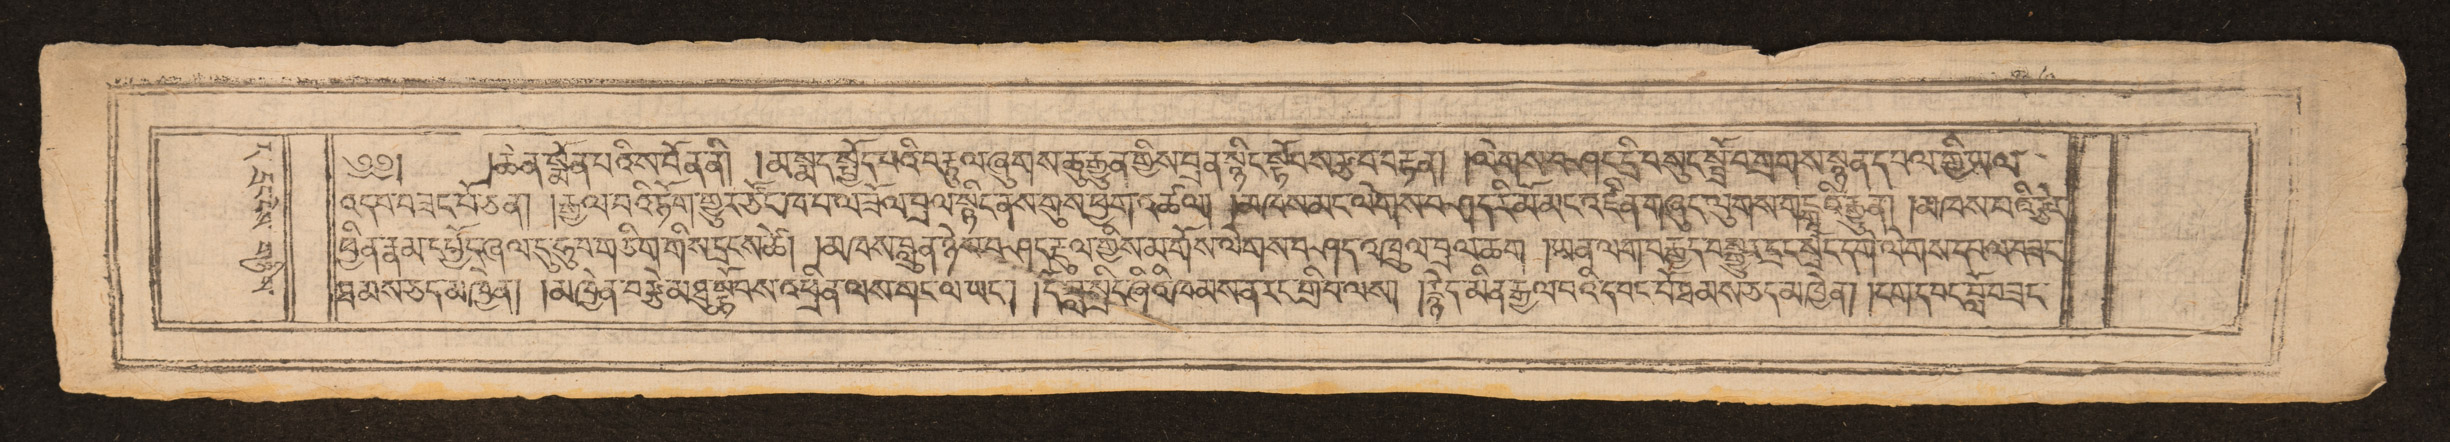༄༅། །ཆེན་སྨོན་པའི་ས་བོན་ནི། །མ་སྨད་སྤྱོད་པའི་བརྟུལ་ཞུགས་ཆུ་རྒྱུན་གྱིས་བྲན་སྙིང་སྟོབས་རྩ་བ་བརྟན། །ལེགས་བཤད་དྲི་བསུང་སྤྲོ་བ་གྲགས་སྙན་དཔལ་གྱི་ཡལ་
འདབ་བཟང་པོ་ཅན། །རྒྱལ་བའི་ཏོག་གྱུར་ཙོང་ཁ་བ་ལ་ཟོལ་བྲལ་སྙིང་ནས་གུས་ཕྱག་འཚལ། །མཁས་མང་ལེགས་བཤད་རི་མོ་མང་འཛིན་གཞུང་ལུགས་གངྒཱའི་རྒྱུན། །མཁས་པའི་རྩེར་
ཕྱིན་རྣམ་དཔྱོད་ཞལ་དུ་ཧུབ་གཅིག་གིས་དྲངས་ཚེ། །མཁས་བླུན་ཉེས་བཤད་རྡུལ་གྱིས་མགོས་ལེགས་བཤད་འཁྲུལ་བྲལ་ཆག །ཡན་ལག་བརྒྱད་བསྒྱུར་དྲང་སྲོང་དགེ་ལེགས་དཔལ་བཟང་
ཐམས་ཅད་མཁྱེན། །མཁྱེན་བརྩེ་མཐུ་སྟོབས་འཕྲིན་ལས་གང་ལ་ཡང་། །དོ་ཟླ་སྲིད་ཞིའི་ཁམས་ན་རང་གྲིབ་ལས། །རྙེད་མིན་རྒྱལ་བའི་དབང་པོ་ཐམས་ཅད་མཁྱེན། །ངག་དབང་བློ་བཟང་